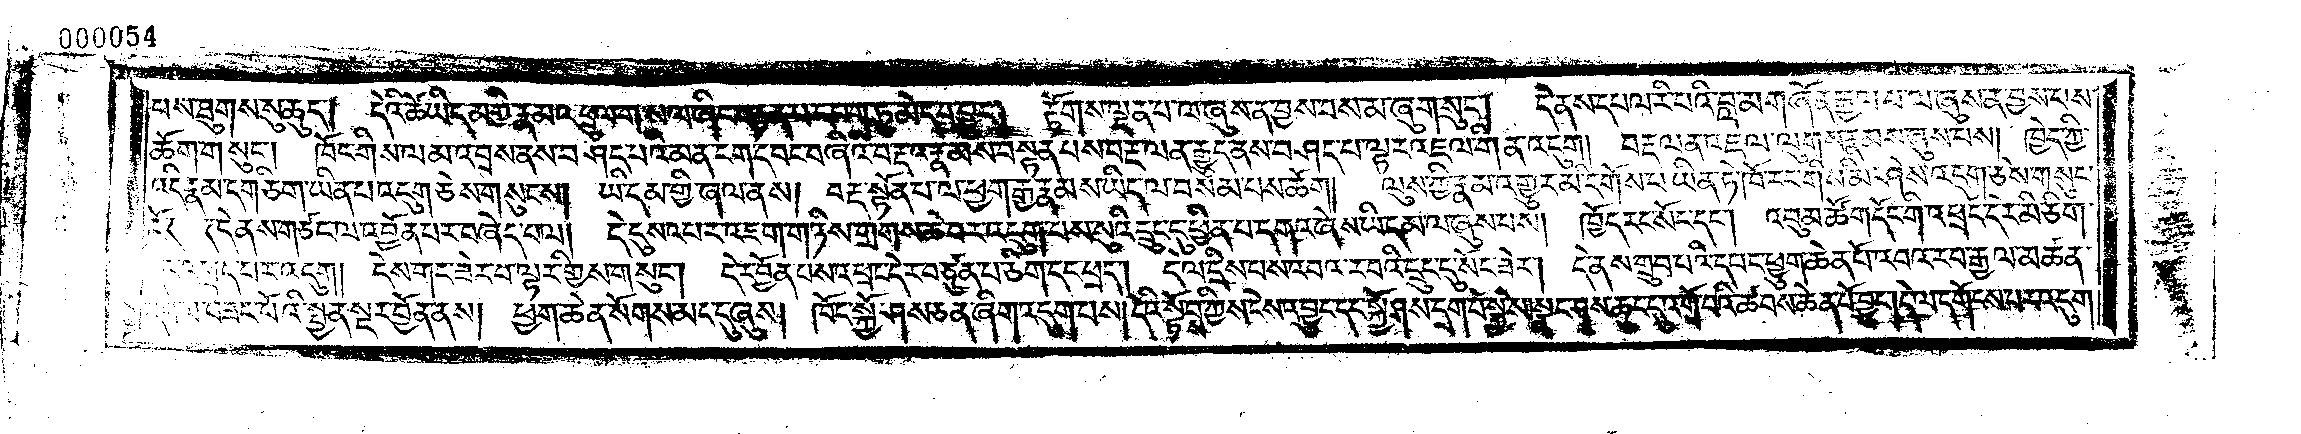བས་ཐུགས་སུ་ཆུད། དེའི་ཚེ་ཡི་དམ་གྱི་རྣམ་འཕྲུལ་གསལ་ཞིང་བརྟན་པ་དཔག་ཏུ་མེད་པ་བྱུང་། རྟོགས་ལྡན་པ་ལ་ཞུས་ན་བྱས་པས་མ་ཞུ་གསུང་། དེ་ནས་དཔལ་རི་བའི་བླ་མ་གཞོན་རྒྱལ་བ་ལ་ཞུས་ན་བྱས་པས་
ཆོག་གསུང་། ཁོང་གིས་ལམ་འབྲས་ནས་བཤད་པའི་མན་ངག་དབང་བཞིའི་བརྡའ་རྣམས་བསྟན་པས་བརྡ་ལན་རྒྱུད་ནས་བཤད་པ་ལྟར་འཇལ་གི་ན་འདུག། བརྡ་ལན་འཇལ་ལུགས་རྣམས་ཞུས་པས། ཁྱེད་ཀྱི་
འདི་རྣམ་དག་ཅིག་ཡིན་པ་འདུག་ཅེས་གསུངས། ཡི་དམ་གྱི་ཞལ་ནས། བརྡ་སྟོན་པ་ལ་ཕྱག་རྒྱ་རྣམས་ཡིད་ལ་བསམ་པས་ཆོག། ལུས་ཀྱི་རྣམ་འགྱུར་མི་དགོས་པ་ཡིན་ཏེ་ཁོ་རང་གིས་མི་ཤེས་འདུག་ཅེས་གསུང་
ངོ༑ ༑དེ་ནས་གཙང་ལ་འབྱོན་པར་བཞེད་པ་ལ། དེ་དུས་འབར་འཇག་གཉིས་གྲགས་ཆེ་བར་འདུག་པས་སུའི་དྲུང་དུ་ཕྱིན་པ་དགའ་ཞེས་ཡི་དམ་ལ་ཞུས་པས། ཁྱོད་རང་སོང་དང་། འབུམ་ཚོ་གདོང་གི་འཕྲང་དེར་མི་ཅིག་
དང་འཕྲད་པར་འདུག། ངེས་གང་ཟེར་བ་ལྟར་གྱིས་གསུང་། དེར་བྱོན་པས་འཕྲང་དེར་བཙུན་པ་ཅིག་དང་ཕྲད། དེ་ལ་དྲིས་པས་འབའ་ར་བའི་དྲུང་དུ་སོང་ཟེར། དེ་ནས་གྲུབ་པའི་དབང་ཕྱུག་ཆེན་པོ་འབའ་རབ་རྒྱལ་མཚན་
དཔལ་བཟང་པོའི་སྤྱན་སྔར་བྱོན་ནས། ཕྱག་ཆེན་སོགས་མང་དུ་ཞུས། ཁོང་སྐྱོ་ཤས་ཅན་ཞིག་འདུག་པས། དེའི་སྟོབས་ཀྱིས་ངེས་འབྱུང་དང་སྐྱོ་ཤས་དྲག་པོ་སྐྱེས། སྣང་ཤས་ཆུང་དུ་འགྲོ་བའི་ཚབས་ཆེན་པོ་བྱུང་། དེ་ལ་དགོངས་པར་འདུག་